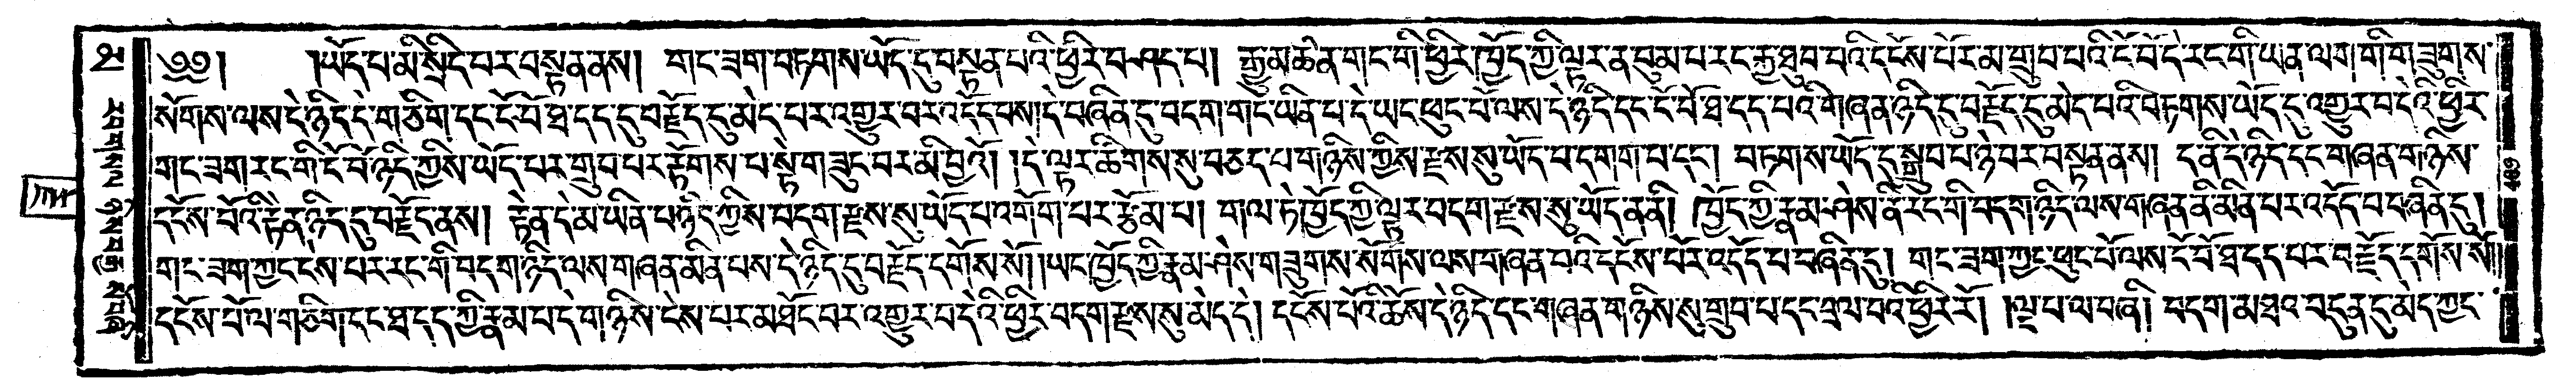༄༅། །ཡོད་པ་མི་སྲིད་པར་བསྟན་ནས། གང་ཟག་བཏགས་ཡོད་དུ་བསྟན་པའི་ཕྱིར་བཤད་པ། རྒྱུ་མཚན་གང་གི་ཕྱིར་ཁྱོད་ཀྱི་ལྟར་ན་བུམ་པ་རང་རྐྱ་ཐུབ་པའི་དངོས་པོར་མ་གྲུབ་པའི་ངོ་བོ་དེ་རང་གི་ཡན་ལག་གི་གཟུགས་
སོགས་ལས་དེ་ཉིད་དེ་གཅིག་དང་ངོ་བོ་ཐ་དད་དུ་བརྗོད་དུ་མེད་པར་འགྱུར་བར་འདོད་པས། དེ་བཞིན་དུ་བདག་གང་ཡིན་པ་དེ་ཡང་ཕུང་པོ་ལས་དེ་ཉིད་དང་ངོ་བོ་ཐ་དད་པའི་གཞན་ཉིད་དུ་བརྗོད་དུ་མེད་པའི་བཏགས་ཡོད་དུ་འགྱུར་བ་དེའི་ཕྱིར་
གང་ཟག་རང་གི་ངོ་བོ་ཉིད་ཀྱིས་ཡོད་པར་གྲུབ་པར་རྟོགས་པ་སྟེ་གཟུང་བར་མི་བྱའོ། །དེ་ལྟར་ཚིགས་སུ་བཅད་པ་གཉིས་ཀྱིས་རྫས་སུ་ཡོད་པ་དགག་པ་དང་། བཏགས་ཡོད་དུ་སྒྲུབ་པ་ཉེ་བར་བསྟན་ནས། ད་ནི་དེ་ཉིད་དང་གཞན་གཉིས་
དངོས་པོའི་རྟེན་ཉིད་དུ་བརྗོད་ནས། རྟེན་དེ་མ་ཡིན་པ་ཉིད་ཀྱིས་བདག་རྫས་སུ་ཡོད་པ་འགོག་པར་རྩོམ་པ། གལ་ཏེ་ཁྱོད་ཀྱི་ལྟར་བདག་རྫས་སུ་ཡོད་ན་ནི། ཁྱོད་ཀྱི་རྣམ་ཤེས་ནི་རང་གི་བདག་ཉིད་ལས་གཞན་ནི་མིན་པར་འདོད་པ་བཞིན་དུ།
གང་ཟག་ཀྱང་ངེས་པར་རང་གི་བདག་ཉིད་ལས་གཞན་མིན་པས་དེ་ཉིད་དུ་བརྗོད་དགོས་སོ། །ཡང་ཁྱོད་ཀྱི་རྣམ་ཤེས་གཟུགས་སོགས་ལས་གཞན་པའི་དངོས་པོར་འདོད་པ་བཞིན་དུ། གང་ཟག་ཀྱང་ཕུང་པོ་ལས་ངོ་བོ་ཐ་དད་པར་བརྗོད་དགོས་སོ།།
དངོས་པོ་ལ་གཅིག་དང་ཐ་དད་ཀྱི་རྣམ་པ་དེ་གཉིས་ངེས་པར་མཐོང་བར་འགྱུར་བ་དེའི་ཕྱིར་བདག་རྫས་སུ་མེད་དེ། དངོས་པོའི་ཆོས་དེ་ཉིད་དང་གཞན་གཉིས་སུ་གྲུབ་པ་དང་བྲལ་བའི་ཕྱིར་རོ། །ལྔ་པ་ལ་བཞི། བདག་མཐའ་བདུན་དུ་མེད་ཀྱང་